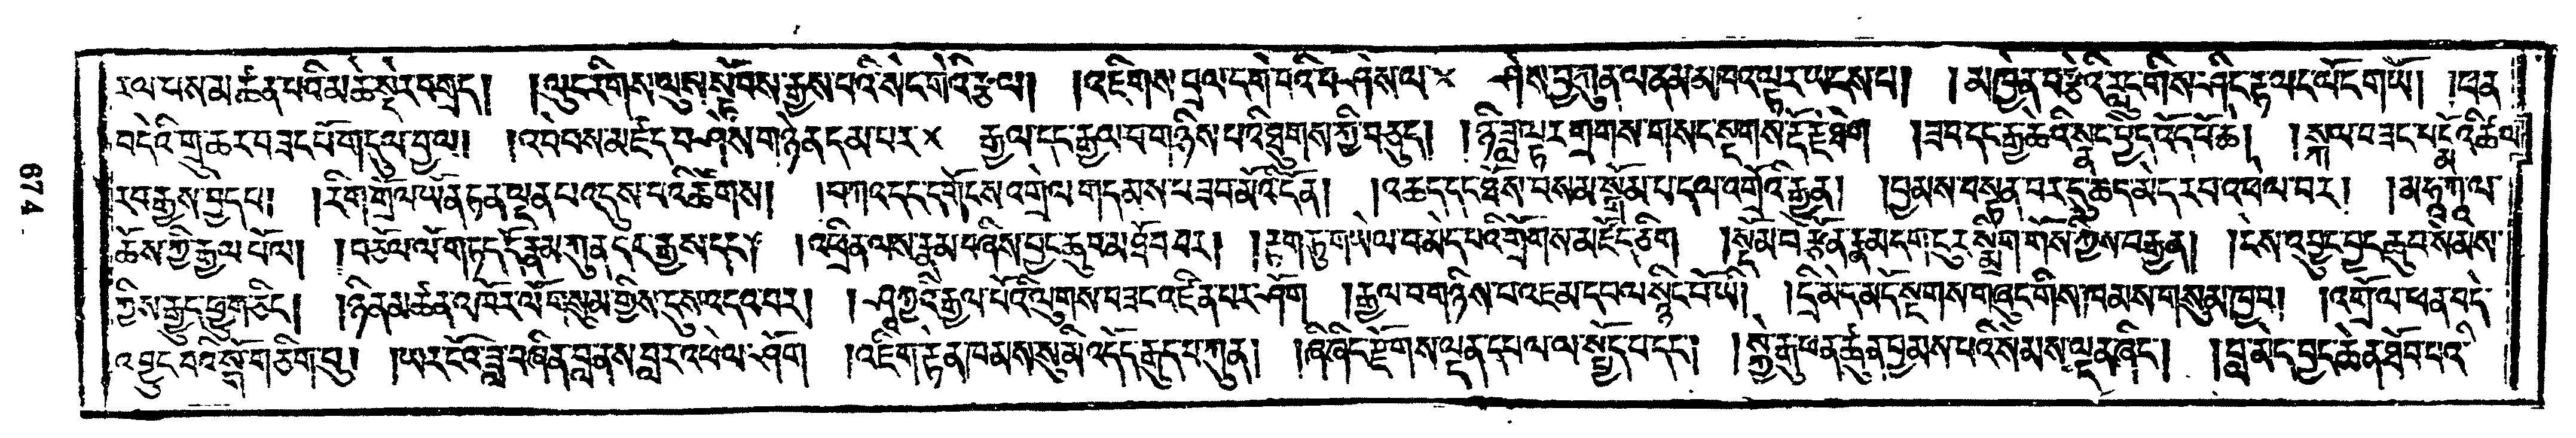རལ་པས་མཚན་པའི་མཆེ་སྔེར་བགྲད། །ལུང་རིགས་ལུས་སྟོབས་རྒྱས་པའི་སེང་གེའི་རྩལ། །འཇིགས་བྲལ་དགེ་བའི་བཤེས་ལ་྾་ཤེས་བྱ་ཀུན་ལ་ནམ་མཁའ་ལྟར་ཡངས་པ། །མཁྱེན་བརྩེའི་རླུང་གིས་ཤིང་རྟ་ལང་ལོང་གཡོ། །ཕན་
བདེའི་གྲུ་ཆར་བཟང་པོ་གདུལ་བྱ་ལ། །འབེབས་མཛད་བཤེས་གཉེན་དམ་པར་྾་རྒྱལ་དང་རྒྱལ་བ་གཉིས་པའི་ཐུགས་ཀྱི་བཅུད། །ཉི་ཟླ་ལྟར་གྲགས་གསང་སྔགས་རྡོ་རྗེ་ཐེག །ཟབ་དང་རྒྱ་ཆེའི་སྣང་བྱེད་འོད་པོ་ཆེ། །སྐལ་བཟང་པདམོའི་ཚལ་
རབ་རྒྱས་བྱེད་པ། །རིག་གྲོལ་ཡོན་ཏན་ལྡན་པ་འདུས་པའི་ཚོགས། །བཀའ་དང་དགོངས་འགྲེལ་གདམས་པ་ཟབ་མོའི་དོན། །འཆད་དང་ཐོས་བསམ་སྒོམ་པ་ངལ་འགྲོའི་རྒྱུན། །བྱམས་བསྟན་བར་དུ་ཆད་མེད་རབ་འཕེལ་བར། །མཧཱ་ཀཱ་ལ་
ཆོས་ཀྱི་རྒྱལ་པོ་ལ། །བཅོལ་ལོ་གཏད་དོ་རྣམ་ཀུན་དང་རྒྱས་དང་། །འཕྲིན་ལས་རྣམ་བཞིས་བྱང་ཆུབ་མ་ཐོབ་བར། །རྟག་ཏུ་གཡེལ་བ་མེད་པའི་གྲོགས་མཛོད་ཅིག །སྔོམ་བརྩོན་རྣམ་དག་དུར་སྨྲིག་གོས་ཀྱིས་བརྒྱན། །ངེས་འབྱུང་བྱང་ཆུབ་སེམས་
ཀྱིས་རྒྱུད་ཕྱུག་ཅིང་། །ཉིན་མཚན་འཁོར་ལོ་གསུམ་གྱིས་དུས་འདའ་བར། །ཤཱཀྱའི་རྒྱལ་པོའི་ལུགས་བཟང་འཛིན་པར་ཤོག །རྒྱལ་བ་གཉིས་པ་འཇམ་དཔལ་སྙིང་པོ་ཡི། །དྲི་མེད་མདོ་སྔགས་གཞུང་གིས་ཁམས་གསུམ་ཁྱབ། །འགྲོ་ལ་ཕན་བདེ་
འབྱུང་བའི་སྒོ་གཅིག་པུ། །ཡར་ངོའི་ཟླ་བཞིན་བླ་ནས་བླ་འཕེལ་ཤོག །འཇིག་རྟེན་ཁམས་སུ་མི་འདོད་རྒུད་པ་ཀུན། །ཞི་ཞིང་རྫོགས་ལྡན་དཔལ་ལ་སྤྱོད་པ་དང་། །སྐྱེ་རྒུ་ཕན་ཚུན་བྱམས་པའི་སེམས་ལྡན་ཞིང་། །བླ་མེད་བྱང་ཆེན་ཐོབ་པའི་